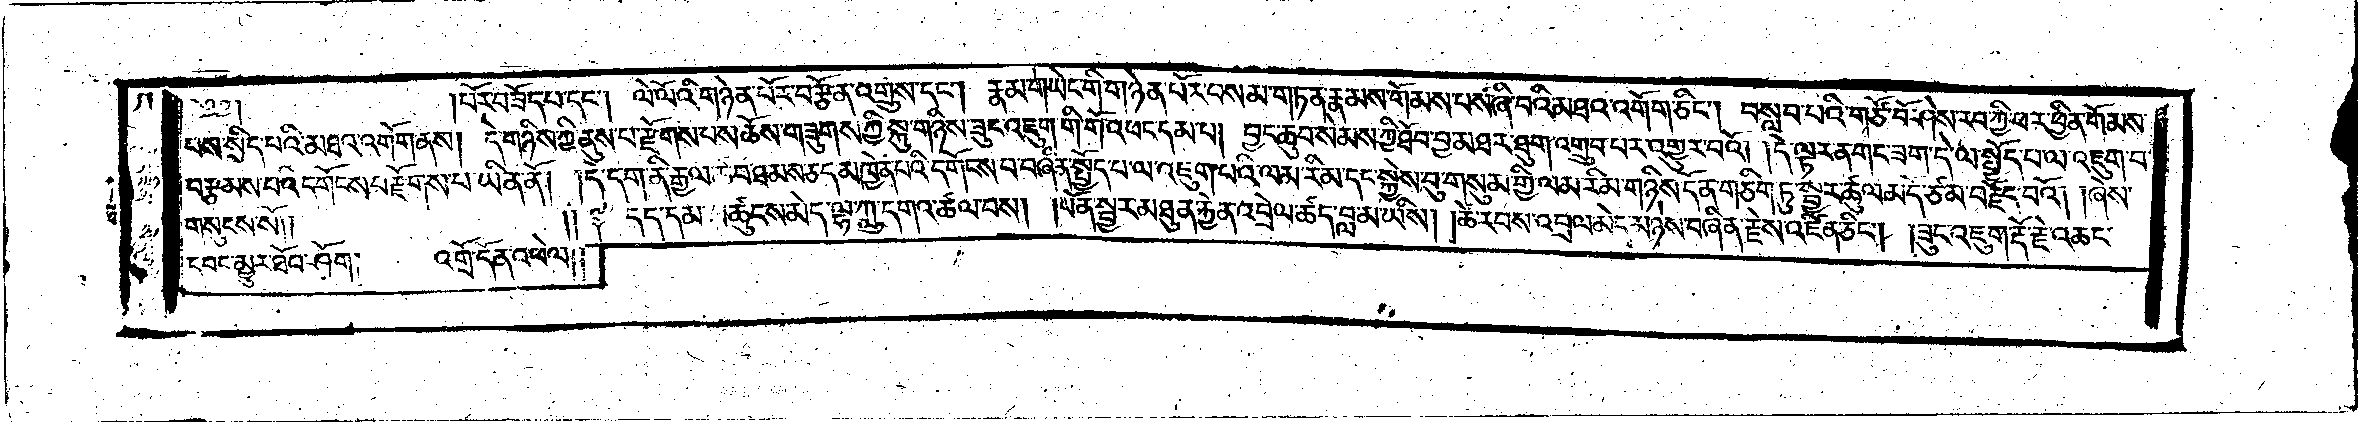༄༅། །པོར་བཟོད་པ་དང་། ལེ་ལོའི་གཉེན་པོར་བརྩོན་འགྲུས་དང་། རྣམ་གཡེང་གི་གཉེན་པོར་བསམ་གཏན་རྣམས་གོམས་པས་ཞི་བའི་མཐའ་འགོག་ཅིང་། བསླབ་པའི་གཙོ་བོ་ཤེས་རབ་ཀྱི་ཕར་ཕྱིན་གོམས་
པས་སྲིད་པའི་མཐའ་འགོག་ནས། དེ་གཉིས་ཀྱི་ནུས་པ་རྫོགས་པས་ཆོས་གཟུགས་ཀྱི་སྐུ་གཉིས་ཟུང་འཇུག་གི་གོ་འཕང་དམ་པ། བྱང་ཆུབ་སེམས་ཀྱི་ཐོབ་བྱ་མཐར་ཐུག་འགྲུབ་པར་འགྱུར་བའོ། །དེ་ལྟར་ན་གང་ཟག་དེ་ལ་སྤྱོད་པ་ལ་འཇུག་བ་
བརྩམས་པའི་དགོངས་པ་རྫོགས་པ་ཡིན་ནོ། །དེ་དག་ནི་རྒྱལ་ཚབ་ཐམས་ཅད་མཁྱེན་པའི་དགོངས་པ་བཞིན་སྤྱོད་པ་ལ་འཇུག་པའི་ལམ་རིམ་དང་སྐྱེས་བུ་གསུམ་གྱི་ལམ་རིམ་གཉིས་དོན་གཅིག་ཏུ་སྦྱར་ཚུལ་མེད་ཙམ་བརྗོད་བའོ༑ ༑ཞེས་
གསུངས་སོ།། །།༈ དད་དམ་མཚུངས་མེད་ལྷ་ཀླུ་དགའ་ཚལ་བས། །པོན་སྦྱར་མཐུན་རྐྱེན་འབྲེལ་ཚད་བླ་མ་ཡིས། །ཚེ་རབས་འབྲལ་མེད་མཉེས་བཞིན་རྗེས་འཛིན་ཅིང་། །ཟུང་འཇུག་རྡོ་རྗེ་འཆང་དབང་མྱུར་ཐོབ་ཤོག༑ འགྲོ་དོན་འཕེལ།